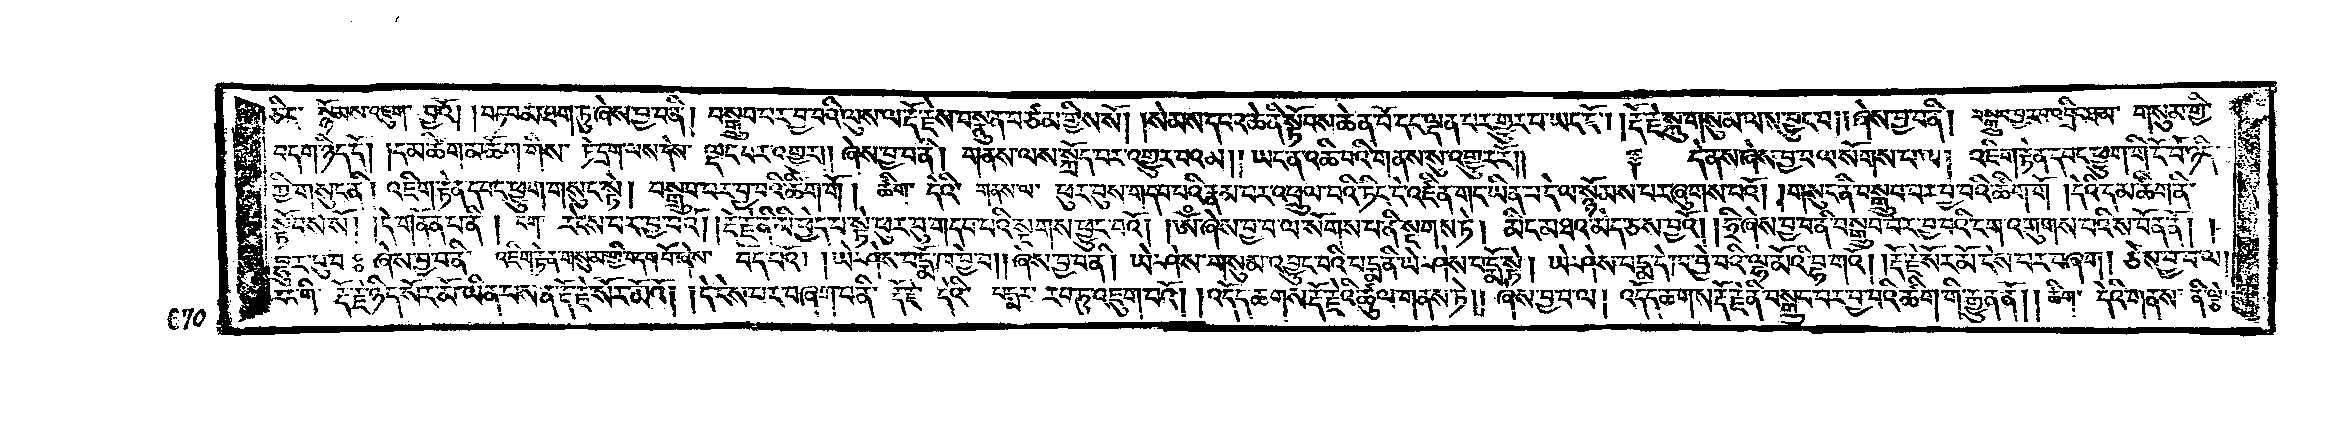ཅིང་སྙོམས་འཇུག་བྱའོ། །བཏབ་མ་ཐག་ཏུ་ཞེས་བྱ་བ་ནི། བསྒྲུབ་པར་བྱ་བའི་ལུས་ལ་རྡོ་རྗེས་བསྣུན་པ་ཙམ་གྱིས་སོ། །སེམས་དཔའ་ཆེ་ནི་སྟོབས་ཆེན་པོ་དང་ལྡན་པར་གྱུར་པ་ཡང་ངོ། །རྡོ་རྗེ་སྐུ་གསུམ་ལས་བྱུང་བ། །ཞེས་བྱ་བ་ནི། བསྒྲུབ་བྱ་རབ་འབྲིང་ཐ་མ་གསུམ་གྱི་
བདག་ཉིད་དོ། །དམ་ཚིག་མཆོག་གིས་ཏེ་དྲག་ལས་དེས་སྡང་པར་འགྱུར། །ཞེས་བྱ་བ་ནི། གནས་ལས་སྐྲོད་པར་འགྱུར་བའམ། །ཡང་ན་འཆི་བའི་གནས་སུ་འགྱུར་རོ།། ༈ དེ་ནས་ཞེས་བྱ་བ་ལ་སོགས་པ་ལ། འཇིག་རྟེན་དབང་ཕྱུག་གི་ངོ་བོ་ཉིད་
ཀྱི་གསུང་ནི། འཇིག་རྟེན་དབང་ཕྱུག་གསུང་ཏེ། བསྒྲུབ་པར་བྱ་བའི་ཚིག་གོ། ཚིག་དེའི་གནས་ལ་ཕུར་བུས་གདབ་པའི་རྣམ་པར་འཕྲུལ་པའི་ཏིང་ངེ་འཛིན་གང་ཡིན་པ་དེ་ལ་སྙོམས་པར་ཞུགས་པའོ། །གསུང་ནི་བསྒྲུབ་པར་བྱ་བའི་ཚིག་གོ། །དེའི་དམ་ཚིག་ནི་
སྟོབས་སོ། །དེ་གནོན་པ་ནི། ངག་རིངས་པར་བྱ་བའོ། །རྡོ་རྗེ་ནི་མི་ཕྱེད་པ་སྟེ་ཕུར་བུ་གདབ་པའི་སྔགས་ཕྱུང་བའོ། །ཨོཾ་ཞེས་བྱ་བ་ལ་སོགས་པ་ནི་སྔགས་ཏེ། མིང་མཐའ་མེད་ཅས་བྱའོ། །ཧྲི་ཞེས་བྱ་བ་ནི་བསྒྲུབ་པར་བྱ་བའི་ངག་འགུགས་པའི་ས་བོན་ནོ། །
བྷུར་བུ་བཿ ཞེས་བྱ་བ་ནི་འཇིག་རྟེན་གསུམ་གྱི་བདག་པོ་ཞེས་བོད་པའོ། །ཡེ་ཤེས་པདམོ་ཁ་བྱེ་བ། །ཞེས་བྱ་བ་ནི། ཡེ་ཤེས་གསུམ་འབྱུང་བའི་པདམ་ནི་ཡེ་ཤེས་པདམོ་སྟེ། ཡེ་ཤེས་པདམ་དེ་ཁ་བྱེ་བའི་ལྷ་མོའི་བྷ་གའོ། །རྡོ་རྗེ་སོར་མོ་ངེས་པར་བཞག། ཅེས་བྱ་བ་ལ།
རང་གི་རྡོ་རྗེ་ཉིད་སོར་མོ་ཡིན་པས་ན་རྡོ་རྗེ་སོར་མོའོ། །དེ་ངེས་པར་བཞག་པ་ནི་རྡོ་རྗེ་དེའི་པདམར་རབ་ཏུ་འཇུག་པའོ། །འདོད་ཆགས་རྡོ་རྗེའི་ཚུལ་གནས་ཏ?། །ཞེས་བྱ་བ་ལ། འདོད་ཆགས་རྡོ་རྗེ་ནི་བསྒྲུབ་པར་བྱ་བའི་ཚིག་གི་རྒྱུན་ནོ། ། ཚིག་དེའི་གནས་ནི་ལྕེ་